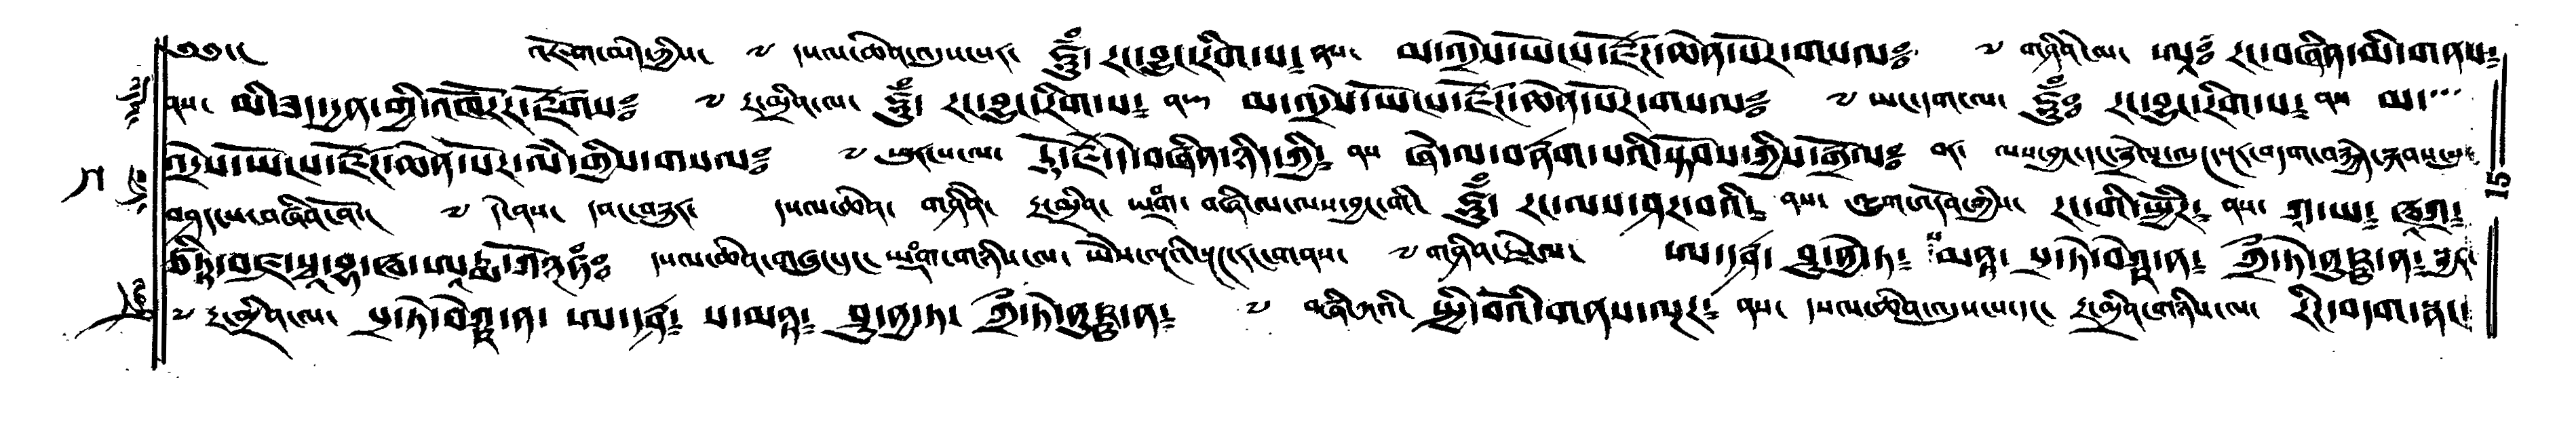འཇོག་མེད་ཀྱིས། དཔལ་ཆེན་འདུས་པར། ཧཱུྃ༔ རང་བྱུང་རིག་པ༴ ནས། མ་འདྲེས་ཡོངས་རྫོགས་ཆེན་པོར་གསལ༔ གཤིན་རྗེ་ལ། ཨཱཿ རང་བཞིན་མི་གནས༴ 
ནས། མི་ཟད་རྒྱན་གྱི་འཁོར་ལོར་རྫོགས༔ རྟ་མགྲིན་ལ། ཧཱུྃ༔ རང་བྱུང་རིག་པ༴ ནས། མ་འདྲེས་ཡོངས་རྫོགས་ཆེན་པོར་གསལ༔ ཡང་དག་ལ། ཧཱུྃཿ རང་བྱུང་རིག་པ༴ ནས། མ་
འདྲེས་ཡོངས་རྫོགས་ཆེན་པོར་གསལ༔ ཕུར་པ་ལ། རྡོ་རྗེ་དེ་བཞིན་ཉིད་ཀྱི༴ ནས། ཞེ་ལ་བརྣག་པའི་སྟོབས་ཀྱིས་སྒྲོལ༔ བར། ལས་བྱང་དང་སྦྲེལ་ལུགས་སྔར་བདག་སྐྱེད་སྐབས་སུ་
བཤད་པ་བཞིན་ནོ། དེ་ནས། དབང་བསྐུར། དཔལ་ཆེན། གཤིན་རྗེ། རྟ་མགྲིན། ཡན་ལག་བཞི་ལ་ལས་བྱང་གི ཧཱུྃཿ རང་ལས་ཤར་བའི༴ ནས། ལྷུག་འདོན་གྱིས། རང་གི་སྤྱི་བོར༴ ནས། ཀཱ་ཡ༴ ཝཱཀཱ༴ 
ཙིཏྟ་བཛྲ་སྭ་བྷ་ཝ་ཨཱཏྨ་ཀོཉྲཧཾཿ དཔལ་ཆེན་གཞུང་དང་། ཡན་ལག་གཉིས་ལ། ཡེ་ཤེས་ལྔའི་སྔགས་རང་གནས། གཤིན་རྗེ་ལ། ཨ་དརྴ༴ ཤུ་ནྱེ་ཏ༴ ས་མནྟ༴ པྲ་ཏེ་བེཀྵ་ན༴ ཀྲྀ་ཏེ་ནུཥྛ་ན༴ སྦྱར། 
རྟ་མགྲིན་ལ། པྲ་ཏེ་བེཀྵ་ན༴ ཨ་དརྴ༴ ས་མནྟ༴ ཤུ་ནྱ་ཏ༴ ཀྲྀ་ཏེ་ནུཥྛ་ན༴ བཞི་ཀའི། སྤྱི་བོའི་གནས་ལྔར༴ ནས། དཔལ་ཆེན་འདུས་པ་དང་། རྟ་མགྲིན་གཉིས་ལ། རིགས་བདག་སྣང་